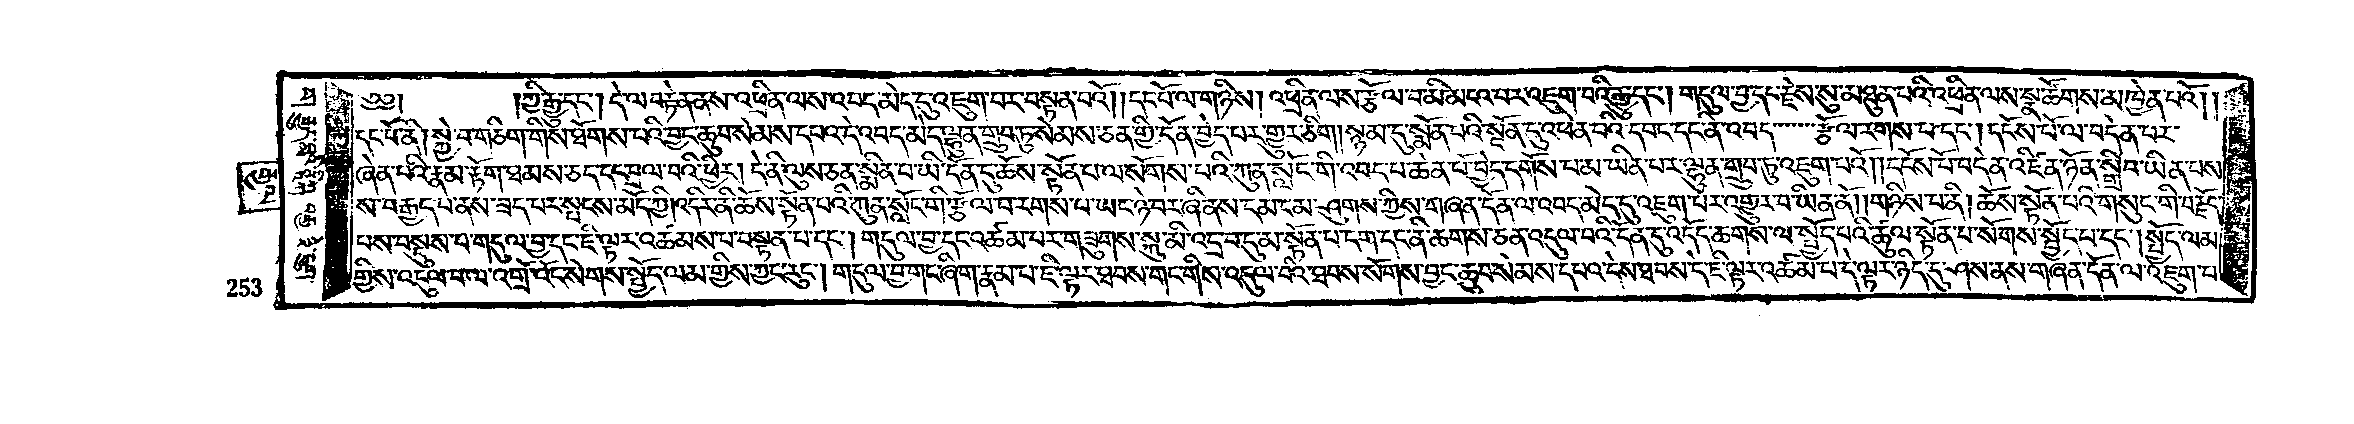༄༅། །ཀྱི་རྒྱུ་དང་། དེ་ལ་བརྟེན་ནས་འཕྲིན་ལས་འབད་མེད་དུ་འཇུག་པར་བསྟན་པའོ། །དང་པོ་ལ་གཉིས། འཕྲིན་ལས་རྩོལ་བ་མི་མངའ་བར་འཇུག་པའི་རྒྱུ་དང་། གདུལ་བྱ་དང་རྗེས་སུ་མཐུན་པའི་འཕྲིན་ལས་སྣ་ཚོགས་མཁྱེན་པའོ། །
དང་པོ་ནི། སྐྱེ་བ་གཅིག་གིས་ཐོགས་པའི་བྱང་ཆུབ་སེམས་དཔའ་དེ་འབད་མེད་ལྷུན་གྲུབ་ཏུ་སེམས་ཅན་གྱི་དོན་བྱེད་པར་གྱུར་ཅིག །སྙམ་དུ་སྨོན་པའི་སྔོན་དུ་འཕེན་པའི་དབང་དང་ནི་འབད་རྩོལ་རགས་པ་དང་། དངོས་པོ་ལ་བདེན་པར་
ཞེན་པའི་རྣམ་རྟོག་ཐམས་ཅད་དང་བྲལ་བའི་ཕྱིར། དེ་ནི་ལུས་ཅན་སྨིན་པ་ཡི་དོན་དུ་ཆོས་སྟོན་པ་ལ་སོགས་པའི་ཀུན་སློང་གི་འབད་པ་ཆེན་པོ་བྱེད་དགོས་པ་མ་ཡིན་པར་ལྷུན་གྲུབ་ཏུ་འཇུག་པའོ། །དངོས་པོ་བདེན་འཛིན་ཉོན་སྒྲིབ་ཡིན་པས་
ས་བརྒྱད་པ་ནས་ཟད་པར་སྤངས་མོད་ཀྱི། འདིར་ནི་ཆོས་སྟོན་པའི་ཀུན་སློང་གི་རྩོལ་བ་རགས་པ་ཡང་ཉེ་བར་ཞི་ནས་ངམ་ངམ་ཤུགས་ཀྱིས་གཞན་དོན་ལ་འབད་མེད་དུ་འཇུག་པར་འགྱུར་བ་ཡིན་ནོ། །གཉིས་པ་ནི། ཆོས་སྟོན་པའི་གསུང་གི་བརྗོད་
པས་བསྡུས་པ་གདུལ་བྱ་དང་ཇི་ལྟར་འཚམས་པ་བསྟན་པ་དང་། གདུལ་བྱ་དང་འཚམ་པར་གཟུགས་སྐུ་མི་འདྲ་བ་དུ་མ་སྟོན་པ་དག་དང་ནི་ཆགས་ཅན་འདུལ་བའི་དོན་དུ་འདོད་ཆགས་ལ་སྤྱོད་པའི་ཚུལ་སྟོན་པ་སོགས་སྤྱོད་པ་དང་། སྤྱོད་ལམ་
གྱིས་འདུལ་བ་ལ་འགྲོ་འོང་སོགས་སྤྱོད་ལམ་གྱིས་ཀྱང་རུང་། གདུལ་བྱ་གང་ཞིག་རྣམ་པ་ཇི་ལྟར་ཐབས་གང་གིས་འདུལ་བའི་ཐབས་སོགས་བྱང་ཆུབ་སེམས་དཔའ་དེས་ཐབས་དེ་ཇི་ལྟར་འཚམ་པ་དེ་ལྟར་ཉིད་དུ་ཤེས་ནས་གཞན་དོན་ལ་འཇུག་པ་